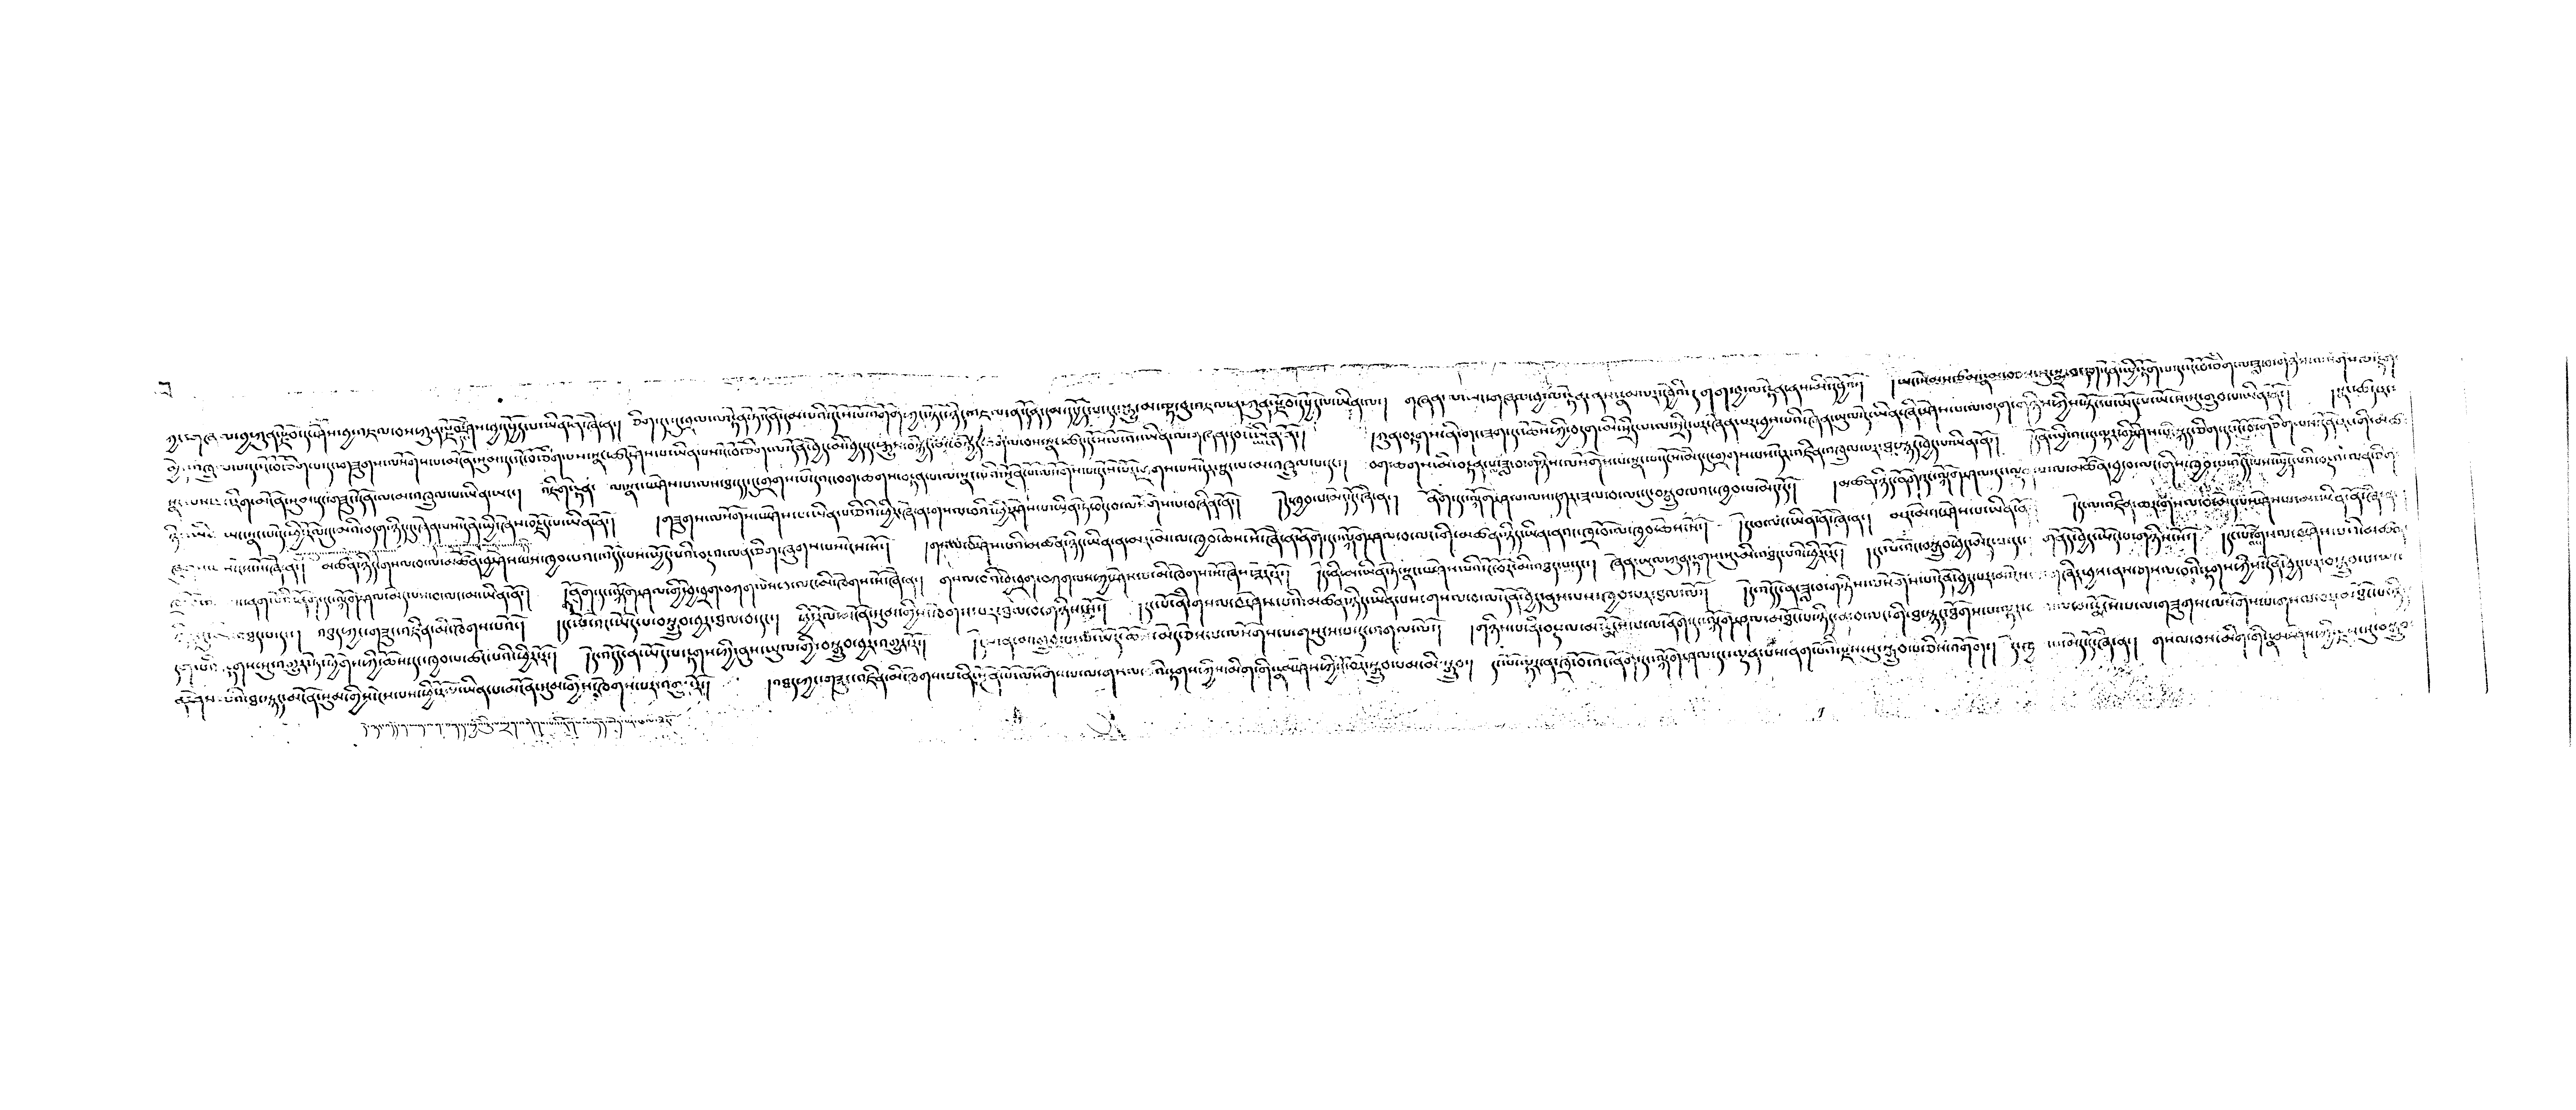ཀྱང་གཞལ་བྱ་ཀུན་རྫོབ་དང་ཤེས་བྱ་འཇལ་བས་ཀུན་རྫོབ་དང་ཤེས་བྱ་དཔྱོད་པ་ཡིན་ནོ་ཞེ་ན། ཅིག་དང་དུ་བྲལ་ལ་རྟེན་ཏེ་དོན་དམ་པའི་དངོས་པོ་འགོག་ཀྱང་སྟོང་ཉིད་འཇལ་ན་དོན་དམ་དཔྱོད་པ་དང་སྒྱུ་མ་ལྟ་བུ་འཇལ་ན་ཀུན་རྫོབ་དཔྱོད་པ་ཡིན་ལ། གཞན་ལ་ཡང་གཞལ་བྱ་ལ་རྟེན་ནས་རྣམ་པར་དབྱེའི་དགག་བྱ་ལ་རྟེན་ནས་མི་དབྱེའོ། །ཡང་སེམས་ཙམ་རྣམ་བཅས་སུ་སྨྲ་བ་དག་དོན་སྤྱི་རྟོག་པ་དང་ངོ་བོ་ཅིག་ལ་ཟླ་བ་གཉིས་ལ་སོགས་པ་རྟོག་
མེད་འཁྲུལ་པ་དང་ངོ་བོ་ཅིག་པ་དང་གཟུགས་ལ་སོགས་པ་མངོན་སུམ་དང་ངོ་བོ་ཅིག་པས་སྣང་ཚད་ཤེས་པ་ཡིན་པས་ངོ་བོ་ཅིག་ལ་དོན་བྱེད་མི་བྱེད་དང་རྒྱུས་བསྐྱེད་མ་བསྐྱེད་འགལ་བས་སྣང་ཚད་དངོས་པོ་འང་ཡིན་ལ་གཞན་དབང་ཡིན་ནོ། །ཀུན་བརྟགས་ནི་གང་ཟག་དང་ཆོས་ཀྱི་བདག་མི་སྲིད་པ་ལ་སྲིད་པར་ཞེན་པར་བྱས་པའི་ཞེན་ཡུལ་དེ་ཡིན་ཞི་ཤེས་པ་ལ་བདག་གཉིས་ཀྱིས་སྟོང་པ་ཡོད་པ་ཡོངས་སུ་གྲུབ་པ་ཡིན་ནོ། །སྣང་ཚད་རང་
སྣང་པས་རང་རིག་མངོན་སུམ་དང་གཟུང་དོན་ལ་མ་འཁྲུལ་པ་ཡིན་ཡང་། འཇིག་རྟེན་ལ་སྣང་པ་ཤེས་པ་ལས་ཐ་དད་དུ་གྲགས་པ་དེའང་བག་ཆགས་བརྟན་པ་ལ་སྣང་པའི་སྔོན་པོ་ལ་སོགས་པ་དངོས་པོར་གྲགས་པས་དེར་སྣང་པ་མ་འཁྲུལ་པ་དང་། བག་ཆགས་མི་བརྟན་པ་ཟླ་བ་གཉིས་ལ་སོགས་པ་སྣང་པ་དངོས་མེད་དུ་གྲགས་པས་དེར་འཛིན་འཁྲུལ་པར་ཐ་སྙད་བྱེད་པ་ཡིན་ནོ། །དོན་སྤྱིའང་ད་ལྟར་གྱི་ཤེས་པའི་སྐད་ཅིག་དང་ངོ་བོ་གཅིག་པས་དོན་རང་གི་མཚན་
ཉིད་ཡིན་ཡང་སྣང་པ་དེ་ཕྱི་རོལ་དུ་མའི་བདག་ཉིད་དུ་ཞེན་པས་དོན་སྤྱི་ཞེས་བརྗོད་པ་ཡིན་ནོ། །གཟུགས་ལ་སོགས་པ་ཤེས་པ་ཡིན་པ་ཅིའི་ཕྱིར་ཞེ་ན་གསལ་བའི་ཕྱིར་ཤེས་པ་ཡིན་ཏེ་བདེ་བ་ལ་སོགས་པ་བཞིན་ནོ། །དེས་ཁྱབ་པ་མེད་དོ་ཞེ་ན། ནོག་དང་ལྐོག་ཤལ་ལས་དཀར་ཟལ་བ་ལང་དུ་བསྒྲུབ་པའང་ཁྱབ་པ་མེད་དོ། །མཚན་ཉིད་ནོག་དང་ལྐོག་ཤལ་དང་ལྡན་པ་ལ་མཚོན་བྱ་བ་ལང་གིས་ཁྱབ་པ་འདོད་པས་སྤྱོད་པའི་བརྡའ་ལན་ཅིག་
ཞུགས་པས་ངེས་སོ་ཞེ་ན། མཚན་ཉིད་གསལ་བ་ལ་མཚོན་བྱ་ཤེས་པས་ཁྱབ་པའང་འདོད་པས་སྤྱོད་པའི་བརྡའ་ལན་ཅིག་ཞུགས་པས་ངེས་སོ། །གསལ་བ་ཤེས་པའི་མཚན་ཉིད་ཡིན་ན་མང་མེ་ལ་ཁྱབ་ཆེས་སོ་ཞེ་ན་ནོག་དང་ལྐོག་ཤལ་བ་ལང་གི་མཚན་ཉིད་ཡིན་ནའང་ཁྲ་བོ་ལ་ཁྱབ་ཆེས་སོ། །དེ་བ་ལང་ཡིན་ནོ་ཞེ་ན། མར་མེའང་ཤེས་པ་ཡིན་ནོ། །དེ་ལ་འཛིན་ཆར་གསལ་བ་མེད་པས་ཤེས་པ་མ་ཡིན་ནོ་ཞེ་ན།
ཁྲ་བོ་ལའང་ནག་པོའི་ནོག་དང་ལྐོག་ཤལ་མེད་པས་བ་ལང་མ་ཡིན་ནོ། །ནོག་དང་ལྐོག་ཤལ་གྱི་བྱེ་བྲག་བཀག་པས་བ་ལང་མི་ཁེགས་སོ་ཞེ་ན། གསལ་བའི་བྱེ་བྲག་བཀག་པས་ཀྱང་ཤེས་པ་མི་ཁེགས་སོ་ཞེས་ཟེར་རོ། །དེ་ནི་མ་ཡིན་ཏེ་སྣང་པ་ཤེས་པའི་ངོ་བོར་མི་འཐད་པ་དང་། ཞེན་ཡུལ་ཀུན་རྟགས་སུ་མི་འཐད་པའི་ཕྱིར་རོ། །དང་པོའང་བསྒྲུབ་བྱེད་མེད་པ་དང་། གནོད་བྱེད་ཡོད་པ་གཉིས་སོ། །དང་པོ་གསལ་ཤེས་པའི་མཚན་
ཉིད་དུ་མི་འཐད་པ་དང་། འཐད་ཀྱང་གཟུང་འཛིན་མི་ཁེགས་པའོ། །དང་པོ་འང་ཡོད་པ་བསྒྲུབ་བྱར་ཐལ་བ་དང་། ཕྱི་རོལ་མངོན་སུམ་གྱིས་ཁེགས་པར་ཐལ་བ་གཉིས་སོ། །དང་པོ་ནི་གསལ་བ་ཤེས་པའི་མཚན་ཉིད་ཡིན་པས་གསལ་བ་ལ་དོན་བྱེད་ནུས་པས་ཁྱབ་པར་ཐལ་ལོ། །དེ་འདོད་ན་ཟླ་བ་གཉིས་ལ་སོགས་པ་དོན་བྱེད་པར་མ་ངེས་པ་གཞིར་བྱས་ནས་གསལ་བའི་རྟགས་ཀྱིས་དོན་བྱེད་པར་བསྒྲུབ་པ་ཡང་
དག་པའི་རྟགས་སུ་འགྱུར་ཏེ་ཕྱོགས་ཀྱི་ཆོས་དང་ཁྱབ་པ་ཚང་པའི་ཕྱིར་རོ། །དེ་འདོད་ན་ཡོད་པ་རྟགས་ཀྱི་ནུས་ཡུལ་གྱི་བསྒྲུབ་བྱར་འགྱུར་རོ། །དེས་ན་མ་གྲུབ་པ་ཆ་ཡོད་ཆོས་མེད་ཅེས་པ་ལ་སོགས་པ་གསུངས་པ་དང་འགལ་ལོ། །གཉིས་པ་ནི་བརྡ་ལ་མ་རྨོངས་པ་ལ་ནོག་དང་ལྐོག་ཤལ་མཐོང་པ་ཉིད་ན་བ་ལང་གི་ཐ་སྙད་ཐོགས་པ་ལྟར། བརྡའ་ལ་མ་རྨོངས་པ་ལ་གཟུགས་ལ་སོགས་པ་གསལ་བར་མཐོང་པ་ཉིད་
ན་ཤེས་པའི་ཐ་སྙད་མངོན་སུམ་གྱིས་ངེས་པས་ཕྱི་རོལ་ཡིན་པ་མངོན་སུམ་གྱིས་ཁེགས་པར་འགྱུར་རོ། །འཐད་ཀྱང་གཟུང་འཛིན་མི་ཁེགས་པ་ནི་སྔོན་པོ་ལ་སོགས་པ་ལ་གསལ་བའི་རྟགས་ཀྱིས་མིག་གི་རྣམ་ཤེས་ཀྱི་ངོ་བོར་སྒྲུབ་བམ་མི་སྒྲུབ། དང་པོ་ལྟར་ན་ཁྲ་བོ་འང་ནོག་དང་ལྐོག་ཤལ་དང་ལྡན་པས་ནག་པོའི་རྗེས་སུ་སྒྲུབ་པ་ཅིས་འགོག། དེ་ཁྱབ་པ་མེད་དོ་ཞེ་ན། གསལ་བས་མིག་གི་རྣམ་ཤེས་ཀྱི་རྗེས་སུ་བསྒྲུབ་